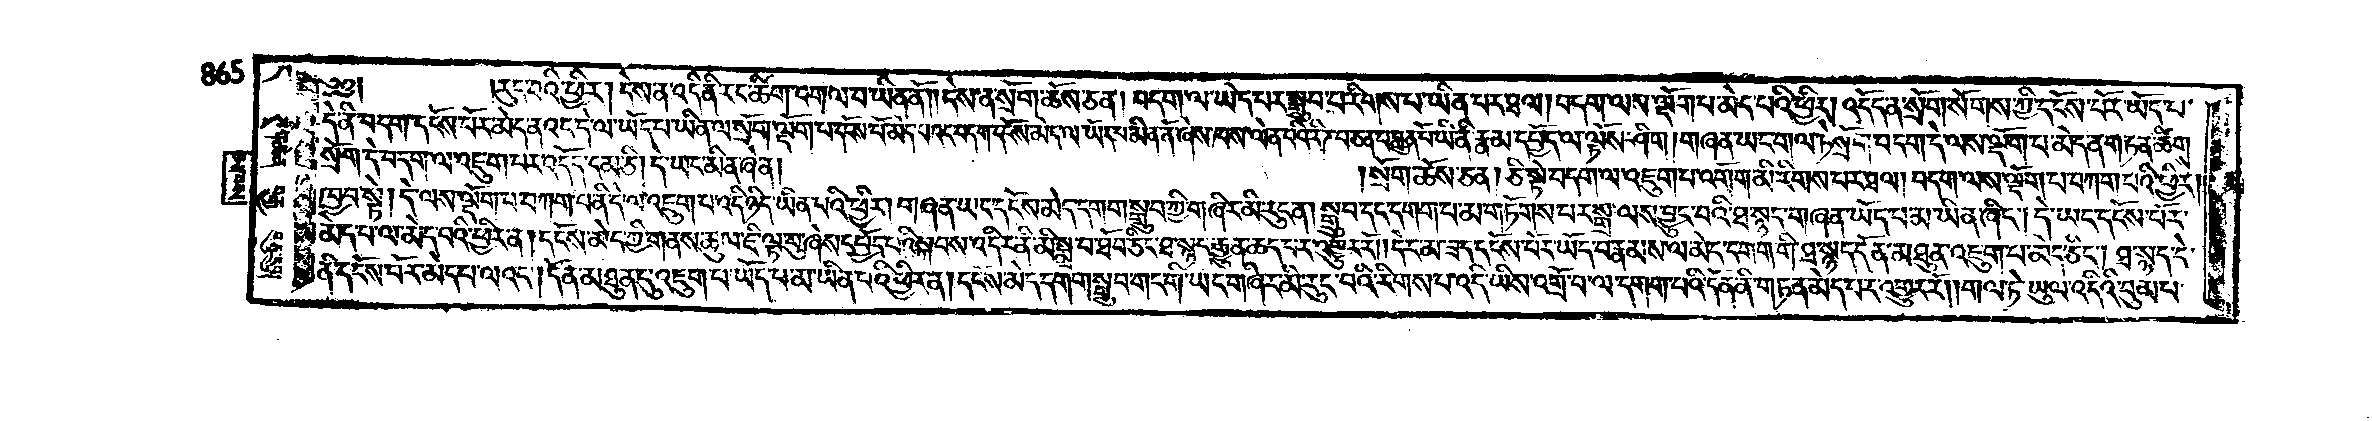༄༅། །རུང་བའི་ཕྱིར། དེས་ན་འདི་ནི་རང་ཚིག་འགལ་བ་ཡིན་ནོ། །དེས་ན་སྲོག་ཆོས་ཅན། བདག་ལ་ཡོད་པར་སྒྲུབ་པ་རིགས་པ་ཡིན་པར་ཐལ། བདག་ལས་ལྡོག་པ་མེད་པའི་ཕྱིར། འདོད་ན་སྲོག་སོགས་ཀྱི་དངོས་པོར་ཡོད་པ་
དེ་ནི་བདག་དངོས་པོར་མེད་ནའང་དེ་ལ་ཡོད་པ་ཡིན་ལ་སྲོག་ལྡོག་པ་དངོས་པོ་མེད་པའང་བདག་དངོས་མེད་ལ་ཡོད་པ་མིན་ནོ་ཞེས་ཁས་ལེན་པའི་རིགས་པ་ཅན་པ་བླུན་པོ་ཡི་ནི་རྣམ་དཔྱོད་ལ་ལྟོས་ཤིག །གཞན་ཡང་གལ་ཏེ་སྲོག་བདག་དེ་ལས་ལྡོག་པ་མེད་ན་གཏན་ཚིགས་
སྲོག་དེ་བདག་ལ་འཇུག་པར་འདོད་དམ་ཅི། དེ་ཡང་མིན་ཞེ་ན། །སྲོག་ཆོས་ཅན། ཅི་སྟེ་བདག་ལ་འཇུག་པ་འགོག་མི་རིགས་པར་ཐལ། བདག་ལས་ལྡོག་པ་བཀག་པའི་ཕྱིར།
ཁྱབ་སྟེ། དེ་ལས་ལྡོག་པ་བཀག་པ་ནི་དེ་ལ་འཇུག་པ་འདི་ཉིད་ཡིན་པའི་ཕྱིར། གཞན་ཡང་དངོས་མེད་དགག་སྒྲུབ་ཀྱི་གཞིར་མི་རུང་ན། སྒྲུབ་དང་དགག་པ་མ་གཏོགས་པར་སྒྲ་ལས་བྱུང་བའི་ཐ་སྙད་གཞན་ཡོད་པ་མ་ཡིན་ཞིང་། དེ་ཡང་དངོས་པོར་
མེད་པ་ལ་མེད་པའི་ཕྱིར་ན། དངོས་མེད་ཀྱི་གནས་ཆུ་ལ་ཇི་ལྟ་བུ་ཞེས་དཔྱོད་པའི་སྐབས་འདིར་ནི་མི་སྨྲ་བ་ཐོབ་ཅིང་ཐ་སྙད་རྒྱུན་ཆད་པར་འགྱུར་རོ། །དེར་མ་ཟད་དངོས་པོར་ཡོད་པ་རྣམས་ལ་མེད་དགག་གི་ཐ་སྙད་དོན་མཐུན་འཇུག་པ་མེད་ཅིང་། ཐ་སྙད་དེ་
ནི་དངོས་པོར་མེད་པ་ལའང་། དོན་མཐུན་དུ་འཇུག་པ་ཡོད་པ་མ་ཡིན་པའི་ཕྱིར་ན། དངོས་མེད་དགག་སྒྲུབ་གང་གི་ཡང་གཞིར་མི་རུང་བའི་རིགས་པ་འདི་ཡིས་འགྲོ་བ་ལ་དགག་པའི་དོན་ནི་གཏན་མེད་པར་འགྱུར་རོ། །གལ་ཏེ་ཡུལ་འདིའི་བུམ་པ་